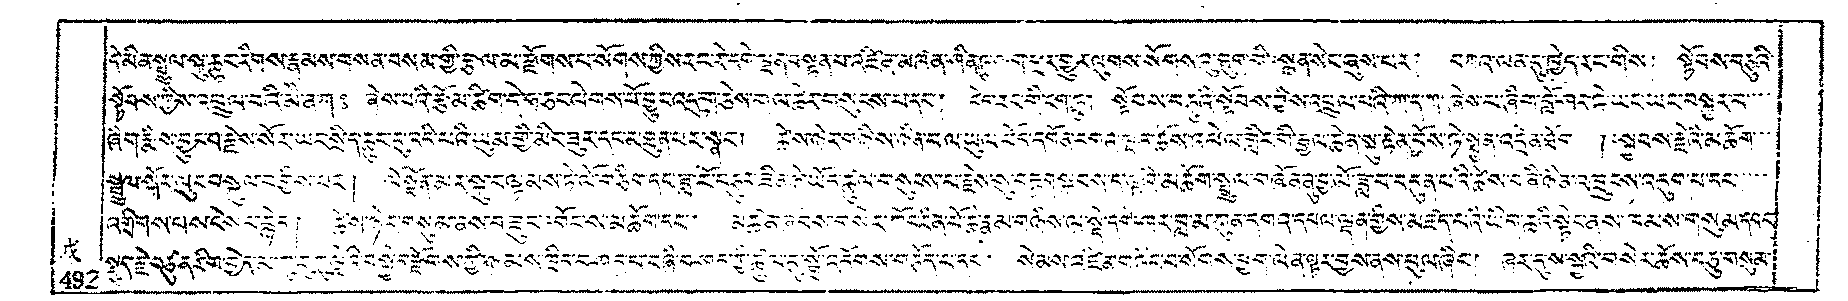དེ་མིན་སྤྲུལ་སྐུ་ཆུང་རིགས་རྣམས་གསན་བསམ་གྱི་རྩལ་མ་རྫོགས་པ་སོགས་ཀྱིས་རང་རེ་དགེ་ལྡན་བསྟན་པ་འཛིན་མཁན་ཤིན་ཏུ་ཉག་ཕྲར་གྱུར་ལུགས་སོགས་འུ་ཐུག་གི་༧སྙན་སེང་ཞུས་པར། བཀའ་ལན་དུ་ཁྱེད་རང་གིས། སྟོབས་བཅུའི་
སྟོབས་ཀྱིས་འཕྲུལ་བའི་མཻ་ན་ཀཿ ཞེས་པའི་རྩོམ་ཚིག་དེ་ཧ་ཅང་ལེགས་པོ་བྱུང་འདུག་ཅེས་གལ་ཆེར་གསུངས་པ་དང་། ངེད་རང་གི་ངག་ཏུ། སྟོབས་བཅུའི་སྟོབས་ཀྱིས་འཕྲུལ་པའི་ཀ་ད་ཀ་ཞེས་པ་ཞིག་བློ་ཤར་ཏེ་ཡང་ཡང་བསྐྱར་བ་
ཞིག་རྨིས་བྱུང་བ་རྗེས་སོར་ཡང་སྲིད་ཆུང་ངུ་འདི་པའི་ཡུམ་གྱི་མིང་ཟུར་དང་མཐུན་པར་སྣང་། ཚེས་ཉེར་གཉིས་ཉིན་བལ་ཡུལ་བོད་དགོན་དགའ་ལྡན་ཆོས་འཕེལ་གླིང་གི་རྒྱལ་ཆེན་སྐུ་རྟེན་པ་བོས་ཏེ་སྤྱན་འདྲེན་ཐོག །༧སྐྱབས་རྗེའི་མཆོག་
སྤྲུལ་སྐོར་ལུང་བསྐུལ་བགྱིས་པར། ལོ་སྔོན་མར་སྐུ་བལྟམས་ཏེ་ལོ་གཅིག་དང་ཟླ་ངོ་བཅུར་ཟིན་ཉེ་ཡོད་ཚུལ་གསུངས་པ་རྗེས་སུ་བརྟག་སྐབས་ད་ལྟའི་མཆོག་སྤྲུལ་གཞོན་ནུ་བྱ་ལོ་ཟླ་བ་བདུན་པའི་ཚེས་བཞི་ཉིན་འཁྲུངས་འདུག་པ་དང་
འགྲིགས་པས་ངེས་པ་རྙེད། ཚེས་ཉེར་གསུམ་ནས་བཟུང་༧གོང་ས་མཆོག་དང་། མཚན་ཞབས་གསེར་ཀོང་རིན་པོ་ཆེ་རྣམ་གཉིས་ལ་སྡེ་དགེ་ཤར་བླ་མ་ཀུན་དགའ་དཔལ་ལྡན་གྱིས་མཛད་པའི་ཡིག་ཆའི་སྟེང་ནས་ཁམས་གསུམ་དབང་
སྡུད་རྗེ་བཙུན་རིག་བྱེད་མ་ཀུ་རུ་ཀུ་ལླེའི་བསྐྱེད་རྫོགས་ཀྱི་ཉམས་ཁྲིད་བཤད་པ་བཞི་བཤད་ཀྱི་ཚུལ་དུ་སྒྲོ་འདོགས་གཅོད་པ་དང་། སེམས་འཛིན་གཏོང་བ་སོགས་ཕྱག་ལེན་ལྟར་བྱས་ནས་ཕུལ་ཞིང་། ཞར་དུ་ས་སྐྱའི་གསེར་ཆོས་བཅུ་གསུམ་